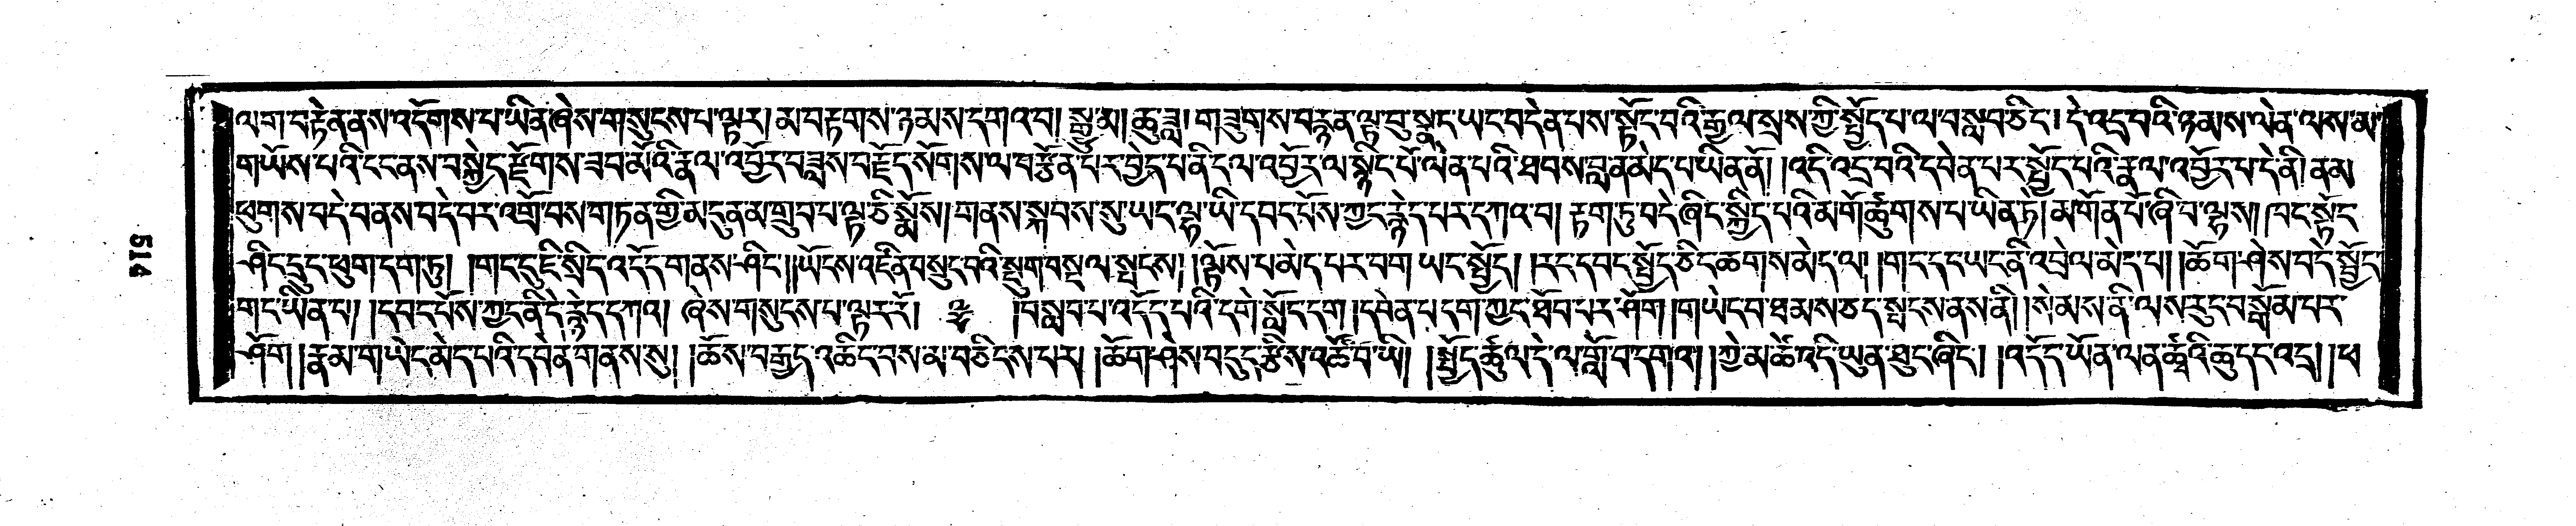ལག་བརྟེན་ནས་འདོགས་པ་ཡིན་ཞེས་གསུངས་པ་ལྟར། མ་བརྟགས་ཉམས་དགའ་བ། སྒྱུ་མ། ཆུ་ཟླ། གཟུགས་བརྙན་ལྟ་བུ་སྣང་ཡང་བདེན་པས་སྟོང་བའི་རྒྱལ་སྲས་ཀྱི་སྤྱོད་པ་ལ་བསླབ་ཅིང་། དེ་འདྲ་བའི་ཉམས་ལེན་ལས་མ་
གཡོས་པའི་ངང་ནས་བསྐྱེད་རྫོགས་ཟབ་མོའི་རྣལ་འབྱོར་བཟླས་བརྗོད་སོགས་ལ་བརྩོན་པར་བྱེད་པ་ནི་དལ་འབྱོར་ལ་སྙིང་པོ་ལེན་པའི་ཐབས་བླ་ན་མེད་པ་ཡིན་ནོ། །འདི་འདྲ་བའི་དབེན་པར་སྤྱོད་པའི་རྣལ་འབྱོར་པ་དེ་ནི། ནམ་
ཕུགས་བདེ་བ་ནས་བདེ་བར་འགྲོ་བས་གཏན་གྱི་མདུན་མ་གྲུབ་པ་ལྟ་ཅི་སྨོས། གནས་སྐབས་སུ་ཡང་ལྷ་ཡི་དབང་པོས་ཀྱང་རྙེད་པར་དཀའ་བ། རྟག་ཏུ་བདེ་ཞིང་སྐྱིད་པའི་མགོ་ཚུགས་པ་ཡིན་ཏེ། མགོན་པོ་ཞི་བ་ལྷས། ཁང་སྟོང་
ཤིང་དྲུང་ཕུག་དག་ཏུ། །གང་དུ་ཇི་སྲིད་འདོད་གནས་ཤིང་། །ཡོངས་འཛིན་བསྲུང་བའི་སྡུག་བསྔལ་སྤངས། །ལྟོས་པ་མེད་པར་བག་ཡང་སྤྱོད། །རང་དབང་སྤྱོད་ཅིང་ཆགས་མེད་ལ། །གང་དང་ཡང་ནི་འབྲེལ་མེད་པ། །ཆོག་ཤེས་བདེ་སྦྱོང་
གང་ཡིན་པ། །དབང་པོས་ཀྱང་ནི་དེ་རྙེད་དཀའ། ཞེས་གསུངས་པ་ལྟར་རོ། ༈ །བསླབ་པ་འདོད་པའི་དགེ་སློང་དག །དབེན་པ་དག་ཀྱང་ཐོབ་པར་ཤོག །གཡེང་བ་ཐམས་ཅད་སྤངས་ནས་ནི། །སེམས་ནི་ལས་རུང་བསྒོམ་པར་
ཤོག །རྣམ་གཡེང་མེད་པའི་དབེན་གནས་སུ། །ཆོས་བརྒྱད་འཆིང་བས་མ་བཅིངས་པར། །ཆོག་ཤེས་བདུད་རྩིས་འཚོ་བ་ཡི། །སྤྱོད་ཚུལ་དེ་ལ་གློ་བ་དགའ། །ཀྱེ་མ་ཚེ་འདི་ཡུན་ཐུང་ཞིང་། །འདོད་ཡོན་ལན་ཚྭའི་ཆུ་དང་འདྲ། །ཕ་